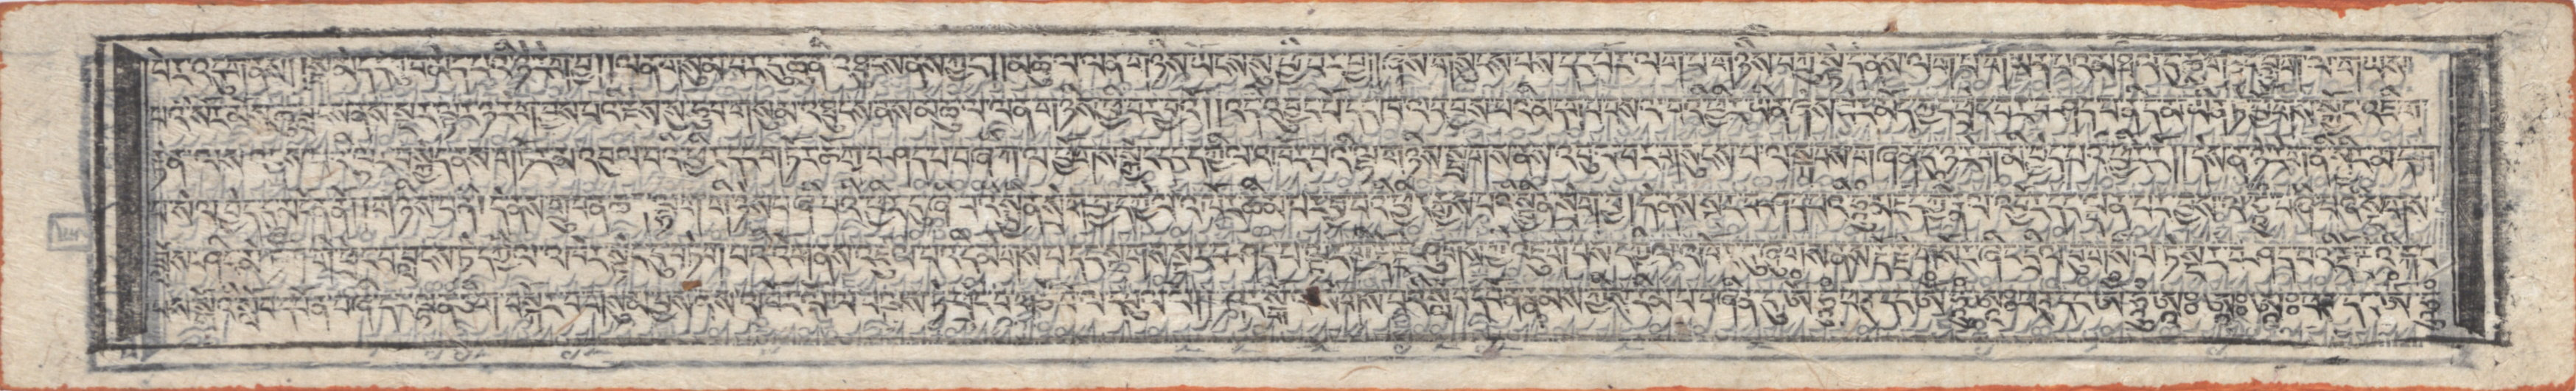པོར་འདུག་ནས། །སྒྲ་མེད་དབུ་བ་མེད་པའི་ཉེ་རེག་བྱ། །ལན་གསུམ་བར་དུ་ཆུ་ནི་འཐུངས་ནས་ཀྱང་། །མཆུ་ལ་ལན་གཉིས་ཡོངས་སུ་ཕྱི་བར་བྱ། །ཞེས་གསུངས་པས་དང་པོར་ལག་པ་གཉིས་བཀྲུ་སྟེ་དེ་ནས་ལག་པ་གཡོན་པའི་མཐིལ་དུ་ཆུ་གཙང་བླུག་ལ་གཡས་
པའི་སོར་མོས་ཆུ་བླངས་ནས་སྔར་ལྟར་ཉ་རེག་བྱས་པའི་རྗེས་སུ་ཨུབ་གསུམ་འཐུངས་ནས་མཆུ་ལ་ལན་གཉིས་ཕྱི་བར་བྱའོ། །འདི་འབྱུང་པོ་དང་ཁ་ལབ་བྱས་པའི་མ་དག་པ་བསལ་བའི་ཕྱིར་ཡིན་ཞེས་ཟེར་མོད་ཀྱང་ཕྲེང་བར་བཤད་པ་ནི་དེ་མ་ཡིན་ཏེ་ཕྱོགས་སྐྱོང་འཇིག་
རྟེན་ལས་འདས་པའི་ལྷར་བསྐྱེད་ནས་གཏོར་མ་འབུལ་བའི་ཕྱིར་དང་གཏོར་ཆོག་བཤད་པ་བཞི་ཀ་ལ་ཕྱོགས་སྐྱོང་དང་དཀྱིལ་འཁོར་པའི་ལྷ་གཉིས་སྤྲགས་ནས་འབུལ་བར་གསུངས་པ་ལ་སྐབས་གཞན་དུ་ཉ་རེག་མི་བྱེད་པའི་ཕྱིར་རོ། །དེས་ན་ཉེ་རེག་ནི་སྤྱིར་མ་དག་
པ་སེལ་བྱེད་དུ་མངོན་ནོ། །གཉིས་པ་ནི། དེ་ནས་གྲུབ་ན་ཆད་ལྷག་གི་ཉེས་པ་ཞི་བའི་ཕྱིར་དུ་ཞི་བའི་སྦྱིན་སྲེག་བྱ་དཀྱིལ་འཁོར་ཚིམ་པར་བྱ་བའི་ཕྱིར་རྒྱས་པའི་སྦྱིན་སྲེག་བྱ། དེ་ནས་སྔར་བཤད་པའི་ཧཱུཾ་མཛད་ཀྱི་རྣལ་འབྱོར་དང་ལྡན་པར་བྱས་ལ་ཧཱུཾ་བཞི་པའི་སྔགས་
ཟློས་ཤིང་མེ་ཏོག་གི་ཕྲེང་བ་བླངས་ཏེ་དཀྱིལ་འཁོར་སྟེང་དུ་བཏེག་པའི་འོག་ནས་འཛུལ་པའི་དམིགས་པ་དང་སྔགས་སྔར་བཤད་པ་ལྟར་གྱི་རྡོ་རྗེ་ཤུགས་ཀྱི་འཇུག་པས་དཀྱིལ་འཁོར་དུ་ཞུགས་ནས་རྡོ་རྗེ་གསོར་ཞིང་དྲིལ་བུ་གསིལ་ཏེ་སྔར་བཤད་པའི་རྡོ་རྗེའི་རྐང་
བས་སྒོའི་སློབ་དཔོན་བཞི་དང་ལྷན་ཅིག་བསྐོར་བ་གསུམ་བྱས་ནས་འཁོར་ལོ་ལ་བལྟས་ཏེ་ཕྲེང་བ་གཙོ་བོ་ལ་དབུལ་ལོ། །ཤར་སྒོ་ལ་སོགས་པའི་སློབ་དཔོན་རྣམས་ཀྱིས་རིམ་པ་བཞིན་དུ་ཨོཾ་ཧཱུཾ་ཕཊ་དང་ཨོཾ་ཧཱུཾ་ཨཱཿ ཕཊ་དང་ཨོཾ་ཧཱུཾ་ཨཱཿ ཨཱཿ ཨཱཿ ཕཊ་དང་ཨོཾ་ཧཱུཨཾ་